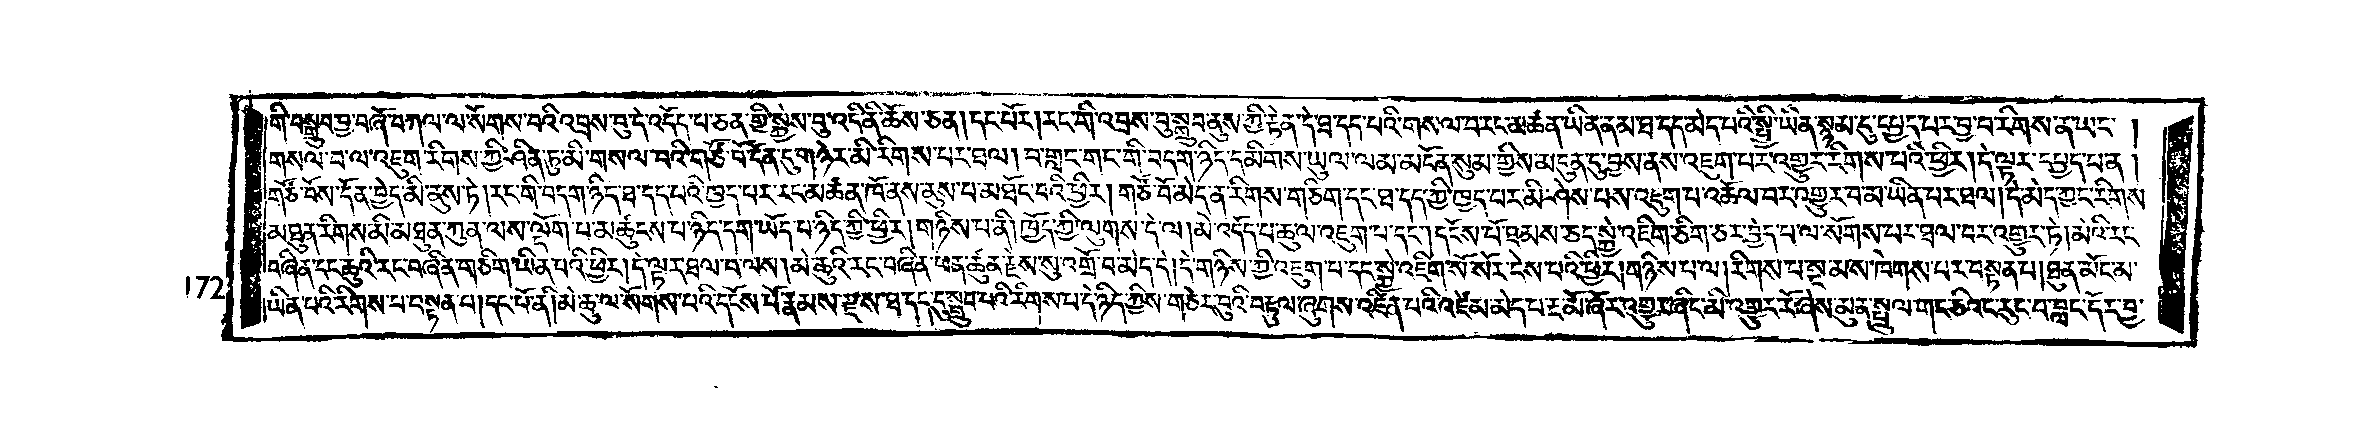གི་བསྒྲུབ་བྱ་བཞོ་བཀལ་ལ་སོགས་པའི་འབྲས་བུ་དེ་འདོད་པ་ཅན་གྱི་སྐྱེས་བུ་འདི་ནི་ཆོས་ཅན། དང་པོར། རང་གི་འབྲས་བུ་སྒྲུབ་ནུས་ཀྱི་རྟེན་དེ་ཐ་དད་པའི་གསལ་བ་རང་མཚན་ཡིན་ནམ་ཐ་དད་མེད་པའི་སྤྱི་ཡིན་སྙམ་དུ་དཔྱད་པར་བྱ་བ་རིགས་ན་ཡང་།
གསལ་བ་ལ་འཇུག་རིགས་ཀྱི་ཤིན་ཏུ་མི་གསལ་བའི་གཙོ་བོ་དོན་དུ་གཉེར་མི་རིགས་པར་ཐལ། བ་གླང་གང་གི་བདག་ཉིད་དམིགས་ཡུལ་ལམ་མངོན་སུམ་གྱིས་མདུན་དུ་བྱས་ནས་འཇུག་པར་འགྱུར་རིགས་པའི་ཕྱིར། དེ་ལྟར་དཔྱད་པ་ན།
གཙོ་བོས་དོན་བྱེད་མི་ནུས་ཏེ། རང་གི་བདག་ཉིད་ཐ་དད་པའི་ཁྱད་པར་རང་མཚན་ཁོ་ནས་ནུས་པ་མཐོང་བའི་ཕྱིར། གཙོ་བོ་མེད་ན་རིགས་གཅིག་དང་ཐ་དད་ཀྱི་ཁྱད་པར་མི་ཤེས་པས་འཇུག་པ་འཆོལ་བར་འགྱུར་བ་མ་ཡིན་པར་ཐལ། དེ་མེད་ཀྱང་རིགས་
མཐུན་རིགས་མི་མཐུན་ཀུན་ལས་ལྡོག་པ་མཚུངས་པ་ཉིད་དག་ཡོད་པ་ཉིད་ཀྱི་ཕྱིར། གཉིས་པ་ནི། ཁྱོད་ཀྱི་ལུགས་དེ་ལ། མེ་འདོད་པ་ཆུ་ལ་འཇུག་པ་དང་། དངོས་པོ་ཐམས་ཅད་སྐྱེ་འཇིག་ཅིག་ཅར་བྱེད་པ་ལ་སོགས་པར་ཐལ་བར་འགྱུར་ཏེ། མེའི་རང་
བཞིན་དང་ཆུའི་རང་བཞིན་གཅིག་ཡིན་པའི་ཕྱིར། དེ་ལྟར་ཐལ་བ་ལས། མེ་ཆུའི་རང་བཞིན་ཕན་ཚུན་རྗེས་སུ་འགྲོ་བ་མེད་དེ། དེ་གཉིས་ཀྱི་འཇུག་པ་དང་སྐྱེ་འཇིག་སོ་སོར་ངེས་པའི་ཕྱིར། གཉིས་པ་ལ། རིགས་པ་སྔ་མས་ཁེགས་པར་བསྟན་པ། ཐུན་མོང་མ་
ཡིན་པའི་རིགས་པ་བསྟན་པ། དང་པོ་ནི། མེ་ཆུ་ལ་སོགས་པའི་དངོས་པོ་རྣམས་རྫས་ཐ་དད་དུ་སྒྲུབ་པའི་རིགས་པ་དེ་ཉིད་ཀྱིས་གཅེར་བུའི་བརྟུལ་ཞུགས་འཛིན་པའི་འཛེམ་མེད་པ་རྔ་མོ་ཞོར་འགྱུར་ཞིང་མི་འགྱུར་རོ་ཞེས་མུན་སྤྲུལ་གང་ཅི་འང་རུང་བ་བླང་དོར་བྱ་